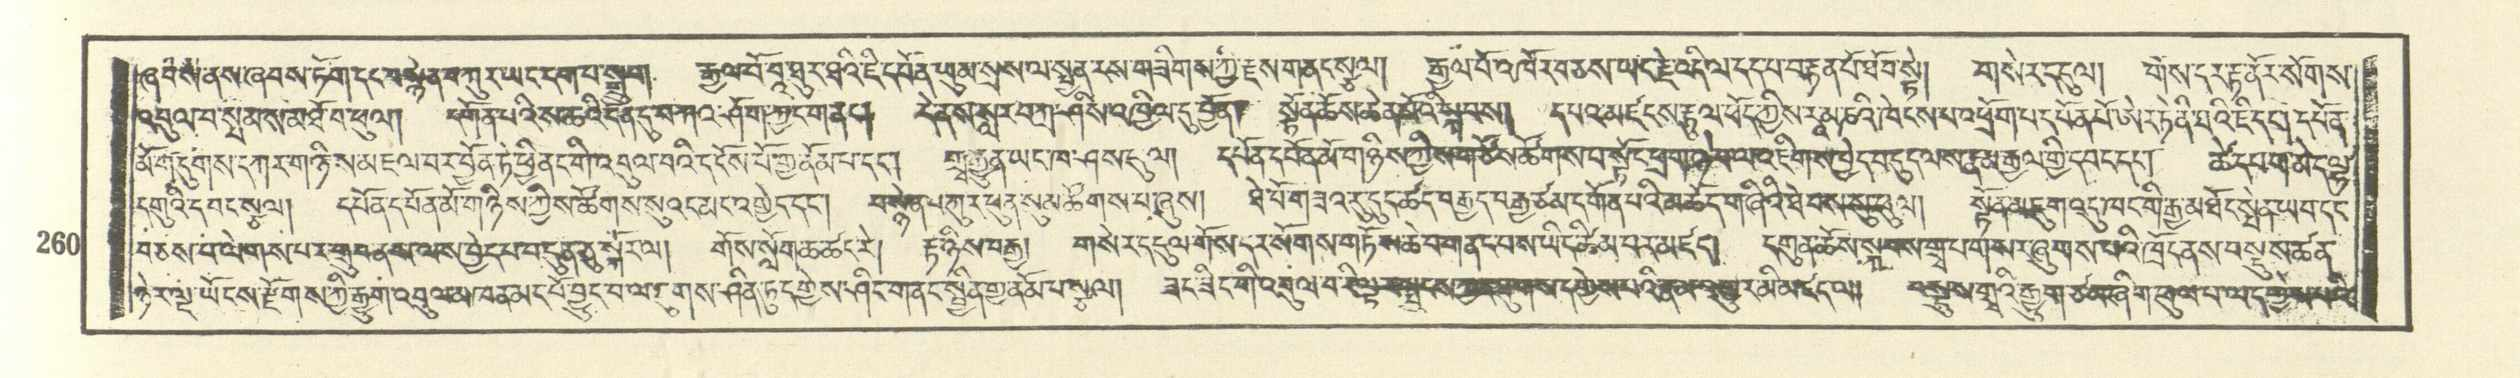ཞབས་ནས་ཞབས་ཏོག་དང་བསྙེན་བཀུར་ཡང་དག་པ་སྒྲུབ། རྒྱལ་པོ་བཱ་ཐུར་ཐའི་ཇི་དཔོན་ཡུམ་སྲས་ལ་སྤྱན་རས་གཟིགས་ཀྱི་རྗེས་གནང་སྩལ། རྒྱལ་པོ་འཁོར་བཅས་ཡང་རྗེ་འདི་ལ་དད་པ་བརྟན་པོ་ཐོབ་སྟེ། གསེར་དངུལ། གོས་དར་རྟ་ནོར་སོགས་
འབུལ་བ་སྤམས་མཐོ་བ་ཕུལ། དགོན་པའི་ས་ཆའི་དོན་དུ་བཀའ་ཤོག་ཀྱང་གནང་། དེ་ནས་སླར་བཀྲ་ཤིས་འཁྱིལ་དུ་བྱོན། སྟོན་ཆོས་ཆེན་མོའི་སྐབས། དཔའ་མཛངས་རྟུལ་ཕོད་ཀྱིས་རཱ་མ་ཎའི་ཁེངས་པ་འཕྲོག་པ་དཔོན་པོ་ཨེར་ཏེ་ནི་ཐའི་ཇི་དང་། དཔོན་
མོ་གདུགས་དཀར་གཉིས་མཇལ་བར་བྱོན་ཏེ་ཕྱི་ནང་གི་འབུལ་བའི་དངོས་པོ་གྱ་ནོམ་པ་དང་། གྲྭ་རྒྱུན་ཡང་ཁ་ཤས་ཕུལ། དཔོན་དཔོན་མོ་གཉིས་ཀྱིས་གཙོས་ཚོགས་པ་སྟོང་ཕྲག་ཉེ་བ་ལ་འཇིགས་བྱེད་བདུད་ལས་རྣམ་རྒྱལ་གྱི་དབང་དང་། ཚེ་དཔག་མེད་ལྷ་
དགུའི་དབང་སྩལ། དཔོན་དཔོན་མོ་གཉིས་ཀྱིས་ཚོགས་སུའང་མང་འགྱེད་དང་། བསྙེན་བཀུར་ཕུན་སུམ་ཚོགས་པ་ཞུས། ཐེ་པོ་གཟའ་རུ་དུད་ཚད་བརྒྱད་བརྒྱ་ཙམ་དགོན་པའི་མཆོད་གཞིའི་ཐེབས་སུ་ཕུལ། སྟོན་མཇུག་འདུ་ཁང་གི་རྒྱ་མཐོང་སྦེན་ཡབ་དང་
བཅས་པ་ལེགས་པར་གྲུབ་ནས་ལས་བྱེད་པ་བདུན་ཅུ་སྐོར་ལ། གོས་སློག་ཆ་ཚང་རེ། རྟ་ཉིས་བརྒྱ། གསེར་དངུལ་གོས་དར་སོགས་གཏོས་ཆེ་བ་གནང་པས་ཡིད་ཚིམ་པར་མཛད། དགུན་ཆོས་སྐབས་གྲྭ་པ་གསར་ཞུགས་པའི་ཁྲོད་ནས་བསྡུས་ཚན་
ཉེར་ལྔ་ཡོངས་རྫོགས་ཀྱི་རྒྱུག་འབུལ་མཁན་མར་པོ་བྱུང་བ་ལ་ཐུགས་ཤིན་ཏུ་དགྱེས་ཤིང་གནང་སྦྱིན་གྱ་ནོམ་པ་སྩལ། ཟང་ཟིང་གི་འབུལ་བ་རི་ལྟར་སྤུངས་ཀྱང་ཐུགས་དགྱེས་པའི་རྣམ་འགྱུར་མི་མཛད་ལ། བསྡུས་གྲྭའི་རྒྱུག་ཙམ་ཞིག་ཕུལ་པ་ལ་དགྱེས་པའི་